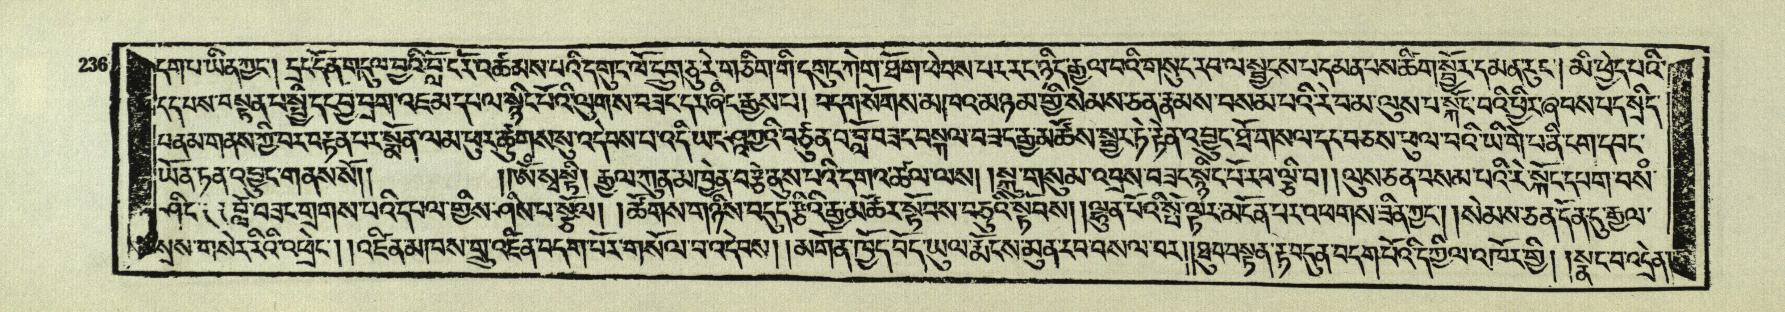དག་པ་ཡིན་ཀྱང་། དྲང་དོན་གདུལ་བྱའི་བློ་ངོར་འཚམས་པའི་དགུང་ལོ་དྲུག་ཅུ་རེ་གཅིག་གི་དགུང་ཀེག་ཐོག་ཕེབས་པར་རང་ཉིད་རྒྱལ་བའི་གསུང་རབ་ལ་སྦྱངས་པ་དམན་པས་ཚིག་སྦྱོར་དམན་རུང་། མི་ཕྱེད་པའི་
དད་པས་བསྟན་པ་སྤྱི་དང་བྱ་བྲག་འཇམ་དཔལ་སྙིང་པོའི་ལུགས་བཟང་དར་ཞིང་རྒྱས་པ། བདག་སོགས་མཁའ་མཉམ་གྱི་སེམས་ཅན་རྣམས་བསམ་པའི་རེ་བ་མ་ལུས་པ་སྐོང་བའི་ཕྱིར་ཞབས་པད་སྲིད་
པ་ནམ་གནས་ཀྱི་བར་བརྟན་པར་སྨོན་ལམ་ཕུར་ཚུགས་སུ་འདེབས་པ་འདི་ཡང་ཤཱཀྱའི་བཙུན་བ་བློ་བཟང་བསྐལ་བཟང་རྒྱ་མཚོས་སྦྱར་ཏེ་རྟེན་འབྱུང་ཐོ་གསལ་དང་བཅས་ཕུལ་བའི་ཡི་གེ་པ་ནི་ངག་དབང་
ཡོན་ཏན་འབྱུང་གནས་སོ།། །།ཨོཾ་སྭསྟི། རྒྱལ་ཀུན་མཁྱེན་བརྩེ་ནུས་པའི་དགའ་ཚལ་ལས། །སྐུ་གསུམ་འབྲས་བཟང་སྙིང་པོ་རབ་ལྕི་བ། །ལུས་ཅན་བསམ་པའི་རེ་སྐོང་དཔག་བསཾ་
ཤིང༑ ༑བློ་བཟང་གྲགས་པའི་དཔལ་གྱིས་ཤིས་པ་སྩོལ། །ཚོགས་གཉིས་བདུད་རྩིའི་རྒྱ་མཚོར་སྟོབས་བཅུའི་སྟོབས། །ལྷུན་པོའི་སྤེ་ལྟར་མངོན་པར་འཕགས་ཟིན་ཀྱང་། །སེམས་ཅན་དོན་དུ་རྒྱལ་
སྲས་གསེར་རིའི་འཕྲེང་། །འཛིན་མཁས་གྲུ་འཛིན་བདག་པོར་གསོལ་བ་འདེབས། །མགོན་ཁྱོད་བོད་ཡུལ་རྨོངས་མུན་རབ་བསལ་བར། །ཐུབ་བསྟན་རྟ་བདུན་བདག་པོའི་དཀྱིལ་འཁོར་གྱི། །སྣང་བ་འདྲེན་